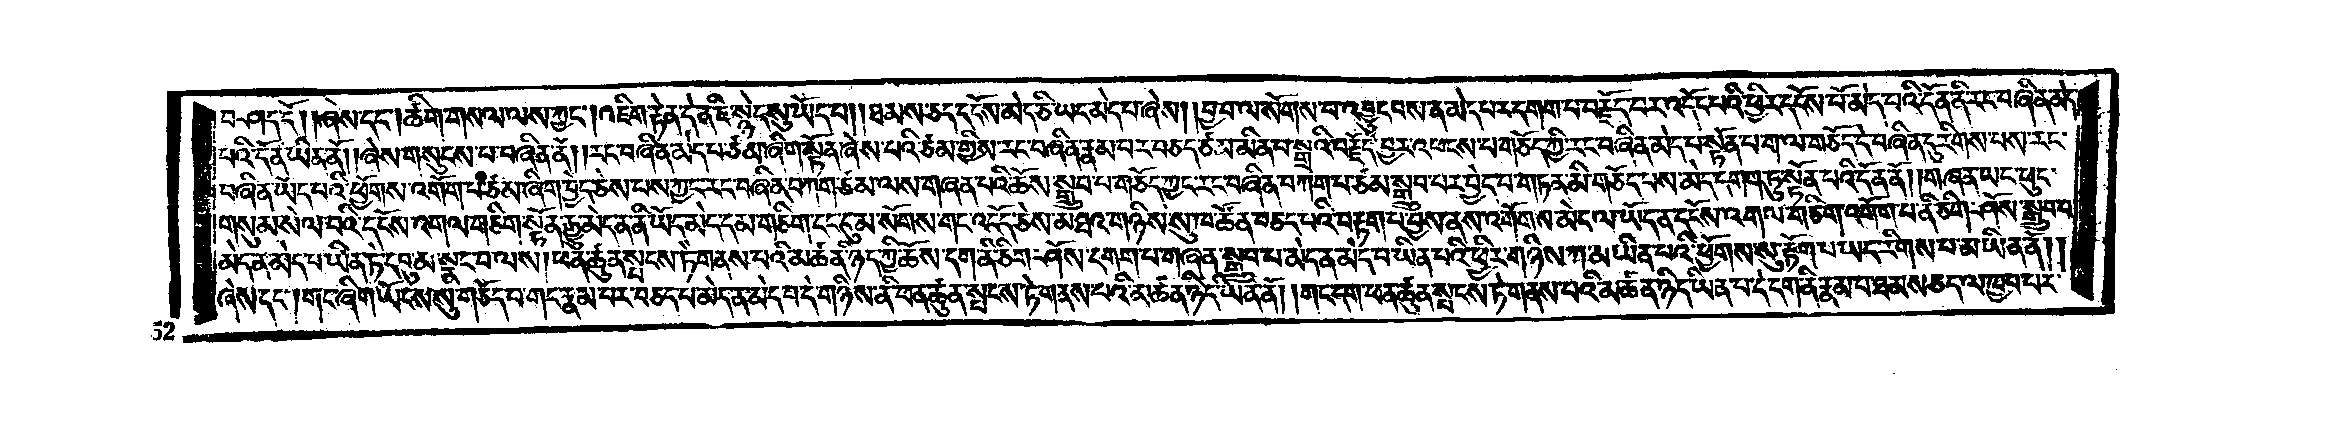བཤད་དོ། །ཞེས་དང་། ཚིག་གསལ་ལས་ཀྱང༑ འཇིག་རྟེན་དེ་ན་ནི་སྙེད་སུ་ཡོད་པ། །ཐམས་ཅད་དངོས་མེད་ཅི་ཡང་མེད་པ་ཞེས། །བྱ་བ་ལ་སོགས་པ་འབྱུང་བས་ན་མེད་པར་དགག་པར་འདོད་པའི་ཕྱིར་དངོས་པོ་མེད་པའི་དོན་ནི་རང་བཞིན་མེད་
པའི་དོན་ཡིན་ནོ། །ཞེས་གསུངས་པ་བཞིན་ནོ། །རང་བཞིན་མེད་པ་ཙམ་ཞིག་སྟོན་ཞེས་པའི་ཙམ་གྱིས་རང་བཞིན་རྣམ་པར་བཅད་ཙམ་མིན་པ་སྒྲའི་བརྗོད་བྱར་འཕངས་པ་གཅོད་ཀྱི་རང་བཞིན་མེད་པ་སྟོན་པ་ག་ལ་གཅོད་དེ་བཞིན་དུ་རིགས་པས་རང་
བཞིན་ཡོད་པའི་ཕྱོགས་འགོག་པ་ཙམ་ཞིག་བྱེད་ཅེས་པས་ཀྱང་རང་བཞིན་བཀག་ཙམ་ལས་གཞན་པའི་ཆོས་སྒྲུབ་པ་གཅོད་ཀྱང་རང་བཞིན་བཀག་པ་ཙམ་སྒྲུབ་པར་བྱེད་པ་གཏན་མི་གཅོད་པས་མེད་དགག་ཏུ་སྟོན་པའི་དོན་ནོ། །གཞན་ཡང་ཕུང་
གསུམ་སེལ་བའི་དངོས་འགལ་གཅིག་སྟོན་རྒྱུ་མེད་ན་ནི་ཡོད་མེད་དམ་གཅིག་དང་དུ་མ་སོགས་གང་འདོད་ཅེས་མཐའ་གཉིས་སུ་ཁ་ཚེན་བཅད་པའི་བརྟག་པ་བྱས་ནས་འགོགས་མེད་ལ་ཡོད་ན་དངོས་འགལ་གཅིག་འགོག་པ་ནི་ཅིག་ཤོས་སྒྲུབ་པ་
མེད་ན་མེད་པ་ཡིན་ཏེ་དབུ་མ་སྣང་བ་ལས། ཕན་ཚུན་སྤངས་ཏེ་གནས་པའི་མཚན་ཉིད་ཀྱི་ཆོས་དག་ནི་ཅིག་ཤོས་དགག་པ་གཞན་སྒྲུབ་པ་མེད་ན་མེད་པ་ཡིན་པའི་ཕྱིར་གཉིས་ཀ་མ་ཡིན་པའི་ཕྱོགས་སུ་རྟོག་པ་ཡོད་རིགས་པ་མ་ཡིན་ནོ། །
ཞེས་དང་། གང་ཞིག་ཡོངས་སུ་གཅོད་པ་གང་རྣམ་པར་བཅད་པ་མེད་ན་མེད་པ་དེ་གཉིས་ནི་ཕན་ཚུན་སྤངས་ཏེ་གནས་པའི་མཚན་ཉིད་ཡིན་ནོ། །གང་དག་ཕན་ཚུན་སྤངས་ཏེ་གནས་པའི་མཚན་ཉིད་ཡིན་པ་དེ་དག་ནི་རྣམ་པ་ཐམས་ཅད་ལ་ཁྱབ་པར་